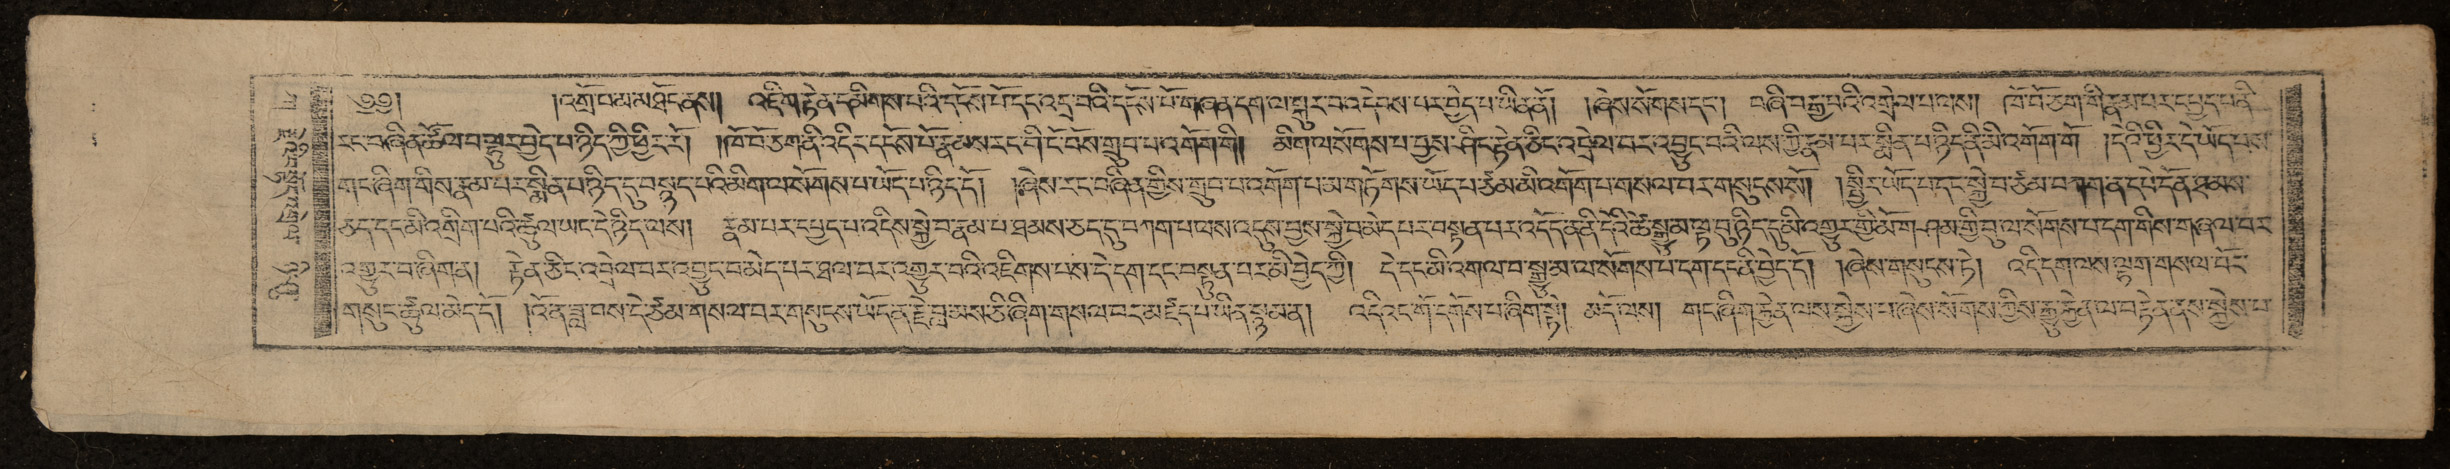༄༅། །འགྲོ་བ་མ་མཐོང་ནས། འཇིག་རྟེན་དམིགས་པའི་དངོས་པོ་དང་འདྲ་བའི་དངོས་པོ་གཞན་དག་ལ་སྐུར་བ་འདེབས་པར་བྱེད་པ་ཡིན་ནོ། །ཞེས་སོགས་དང་། བཞི་བརྒྱ་བའི་འགྲེལ་བ་ལས། ཁོ་བོ་ཅག་གི་རྣམ་པར་དཔྱད་བ་ནི་
རང་བཞིན་ཚོལ་བ་ལྷུར་བྱེད་པ་ཉིད་ཀྱི་ཕྱིར་རོ། །ཁོ་བོ་ཅག་ནི་འདིར་དངོས་པོ་རྣམས་རང་གི་ངོ་བོས་གྲུབ་བ་འགོག་གི། མིག་ལ་སོགས་བ་བྱས་ཤིང་རྟེན་ཅིང་འབྲེལ་བར་འབྱུང་བའི་ལས་ཀྱི་རྣམ་བར་སྨིན་པ་ཉིད་ནི་མི་འགོག་གོ །དེའི་ཕྱིར་དེ་ཡོད་པས་
གང་ཞིག་གིས་རྣམ་པར་སྨིན་པ་ཉིད་དུ་བསྙད་པའི་མིག་ལ་སོགས་པ་ཡོད་པ་ཉིད་དོ། །ཞེས་རང་བཞིན་གྱིས་གྲུབ་བ་འགོག་པ་མ་གཏོགས་ཡོད་པ་ཙམ་མི་འགོག་བ་གསལ་བར་གསུངས་སོ། །སྤྱར་ཡོད་བ་དང་སྐྱེ་བ་ཙམ་བཀག་ན་དཔེ་དོན་ཐམས་
ཅད་དང་མི་འགྲིག་པའི་ཚུལ་ཡང་དེ་ཉིད་ལས། རྣམ་བར་དཔྱད་པ་འདིས་སྐྱེ་བ་རྣམ་པ་ཐམས་ཅད་དུ་བཀག་པ་ལས་འདུས་བྱས་སྐྱེ་བ་མེད་པར་བསྟན་བར་འདོད་ན་ནི་དེའི་ཚེ་སྒྱུ་མ་ལྟ་བུ་ཉིད་དུ་མི་འགྱུར་གྱི་མོ་གཤམ་གྱི་བུ་ལ་སོགས་པ་དག་གིས་གཞལ་བར་
འགྱུར་བ་ཞིག་ན། རྟེན་ཅིང་འབྲེལ་བར་འབྱུང་བ་མེད་པར་ཐལ་བར་འགྱུར་བའི་འཇིགས་བས་དེ་དག་དང་བསྟན་པར་མི་བྱེད་ཀྱི། དེ་དང་མི་འགལ་བ་སྒྱུ་མ་ལ་སོགས་པ་དག་དང་ནི་བྱེད་དོ། །ཞེས་གསུངས་ཏེ། འདི་དག་ལས་ལྷག་གསལ་བོར་
གསུང་ཚུལ་མེད་དོ། །འོ་ན་ཟླ་ངས་དེ་ཙམ་གསལ་བར་གསུངས་ཡོད་ན་རྗེ་བླ་མས་ཅི་ཞིག་གསལ་བར་མཛད་པ་ཡིན་སྙམ་ན། འདིའང་གོ་དགོས་བ་ཞིག་སྟེ། མདོ་ལས། གང་ཞིག་རྒྱེན་ལས་སྐྱེས་པ་ཞེས་སོགས་ཀྱིས་རྒྱུ་རྐྱེན་ལ་བརྟེན་ནས་སྐྱེས་པ་